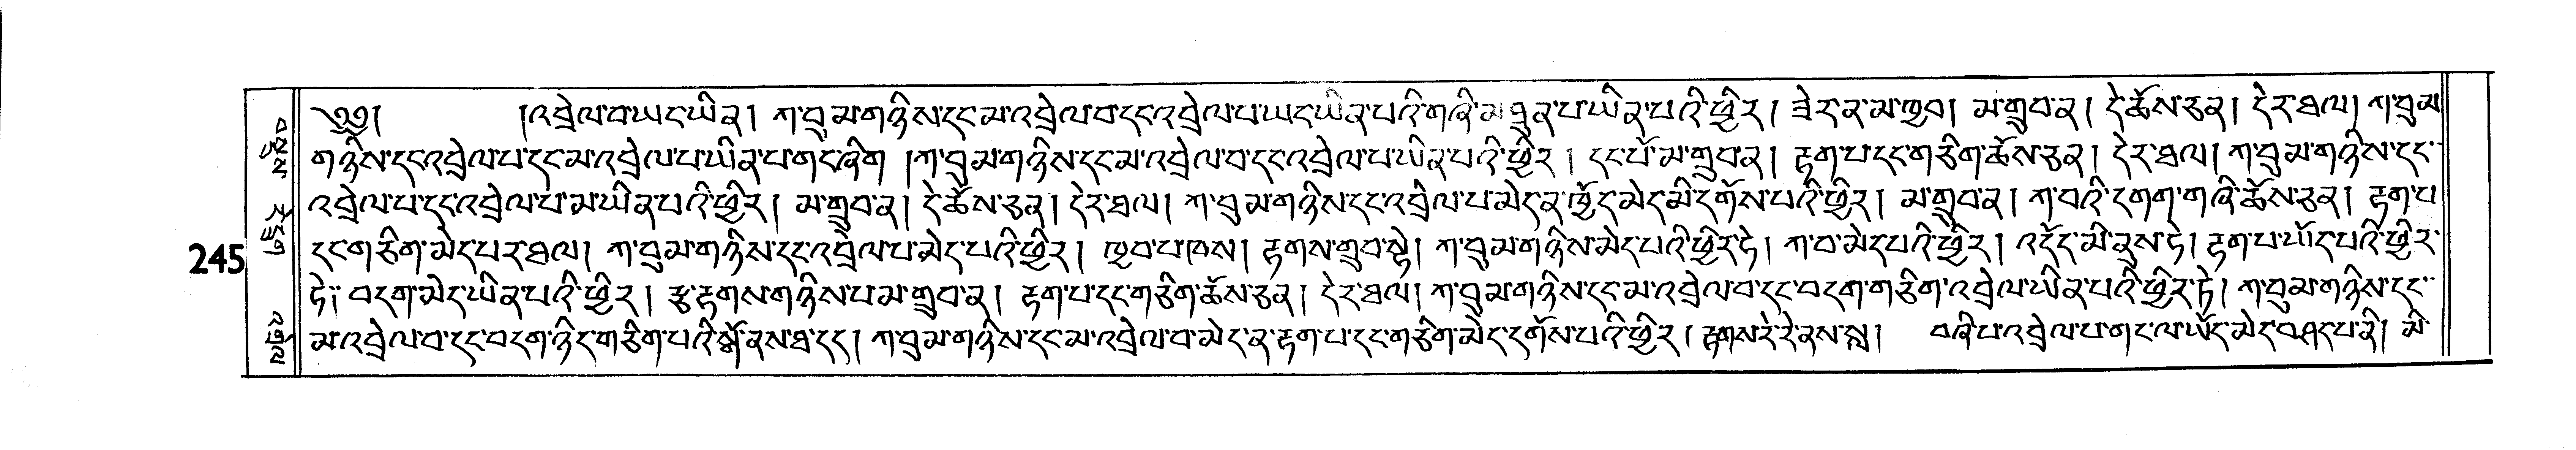༄༅། །འབྲེལ་བ་ཡང་ཡིན། ཀ་བུམ་གཉིས་དང་མ་འབྲེལ་བ་དང་འབྲེལ་བ་ཡང་ཡིན་པའི་གཞི་མཐུན་པ་ཡིན་པའི་ཕྱིར། ཟེར་ན་མ་ཁྱབ། མ་གྲུབ་ན། དེ་ཆོས་ཅན། དེར་ཐལ། ཀ་བུམ་
གཉིས་དང་འབྲེལ་པ་དང་མ་འབྲེལ་པ་ཡིན་པ་གང་ཞིག །ཀ་བུམ་གཉིས་དང་མ་འབྲེལ་བ་དང་འབྲེལ་པ་ཡིན་པའི་ཕྱིར། དང་པོ་མ་གྲུབ་ན། རྟག་པ་དང་གཅིག་ཆོས་ཅན། དེར་ཐལ། ཀ་བུམ་གཉིས་དང་
འབྲེལ་པ་དང་འབྲེལ་པ་མ་ཡིན་པའི་ཕྱིར། མ་གྲུབ་ན། དེ་ཆོས་ཅན། དེར་ཐལ། ཀ་བུམ་གཉིས་དང་འབྲེལ་པ་མེད་ན་ཁྱོད་མེད་མི་དགོས་པའི་ཕྱིར། མ་གྲུབ་ན། ཀ་བའི་དགག་གཞི་ཆོས་ཅན། རྟག་པ་
དང་གཅིག་མེད་པར་ཐལ། ཀ་བུམ་གཉིས་དང་འབྲེལ་པ་མེད་པའི་ཕྱིར། ཁྱབ་པ་ཁས། རྟགས་གྲུབ་སྟེ། ཀ་བུམ་གཉིས་མེད་པའི་ཕྱིར་ཏེ། ཀ་བ་མེད་པའི་ཕྱིར། འདོད་མི་ནུས་ཏེ། རྟག་པ་ཡོད་པའི་ཕྱིར་
ཏེ༑ བདག་མེད་ཡིན་པའི་ཕྱིར། རྩ་རྟགས་གཉིས་པ་མ་གྲུབ་ན། རྟག་པ་དང་གཅིག་ཆོས་ཅན། དེར་ཐལ། ཀ་བུམ་གཉིས་དང་མ་འབྲེལ་བ་དང་བདག་གཅིག་འབྲེལ་ཡིན་པའི་ཕྱིར་ཏེ། ཀ་བུམ་གཉིས་དང་
མ་འབྲེལ་བ་དང་བདག་ཉིད་གཅིག་པའི་སྒོ་ནས་ཐ་དད། ཀ་བུམ་གཉིས་དང་མ་འབྲེལ་བ་མེད་ན་རྟག་པ་དང་གཅིག་མེད་དགོས་པའི་ཕྱིར། རྟགས་རེ་རེ་ནས་སླ། བཞི་པ་འབྲེལ་པ་གང་ལ་ཡོད་མེད་བཤད་པ་ནི། མི་